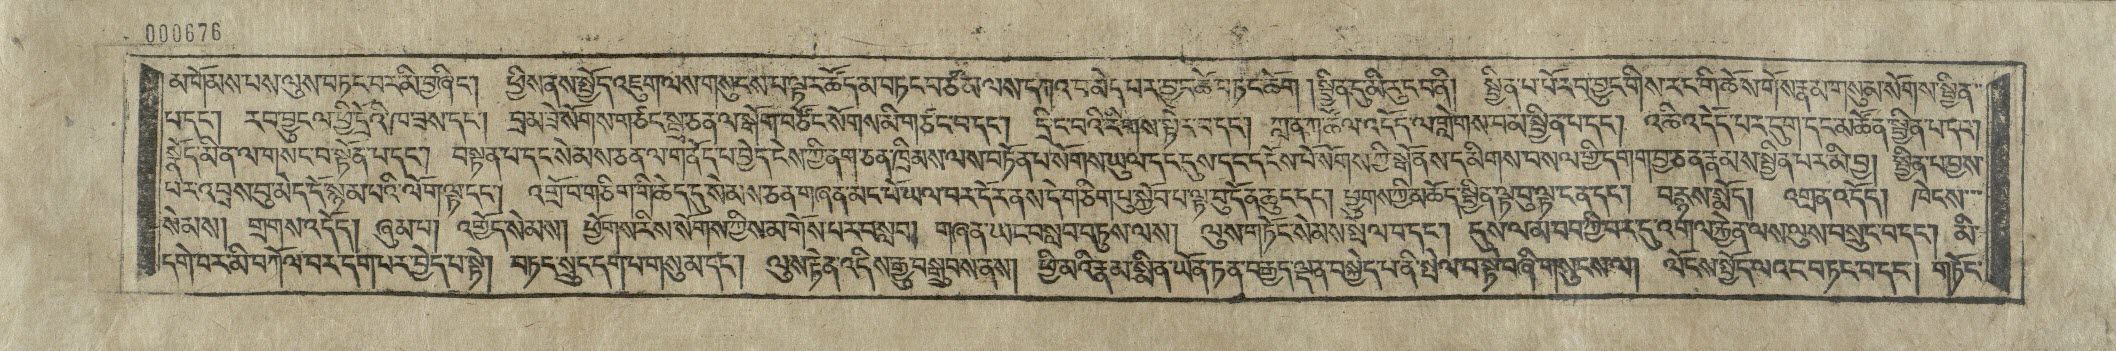མ་གོམས་པས་ལུས་བཏང་བར་མི་བྱ་ཞིང་། ཕྱིས་ནས་སྤྱོད་འཇུག་ལས་གསུངས་པ་ལྟར་ཚོད་མ་བཏང་བ་ཙམ་ལས་དཀའ་བ་མེད་པར་བྱུང་ཚེ་བཏང་ཆོག །སྦྱིན་དུ་མི་རུང་བ་ནི། སྦྱིན་པ་པོ་རབ་བྱུང་གིས་རང་གི་ཆོས་གོས་རྣམ་གསུམ་སོགས་སྦྱིན་
པ་དང་། རབ་བྱུང་ལ་ཕྱི་དྲོའི་ཁ་ཟས་དང་། བྲམ་ཟེ་སོགས་གཙང་སྦྲ་ཅན་ལ་སྒོག་བཙོང་སོགས་མི་གཙང་བ་དང་། དྲི་ང་བའི་རིགས་སྟེར་བ་དང་། ཀླན་ཀ་ཚོལ་འདོད་ལ་གླེགས་བམ་སྦྱིན་པ་དང་། འཆི་འདོད་པར་དུག་དང་མཚོན་སྦྱིན་པ་དང་།
སྣོད་མིན་ལ་གསང་བ་སྟོན་པ་དང་། བསྟན་པ་དང་སེམས་ཅན་ལ་གནོད་པ་བྱེད་ངེས་ཀྱི་ནག་ཅན་ཁྲིམས་ལས་བཏོན་པ་སོགས་ཡུལ་དང་དུས་དང་དངོས་པོ་སོགས་ཀྱི་སྒོ་ནས་དམིགས་བསལ་གྱི་དགག་བྱ་ཅན་རྣམས་སྦྱིན་པར་མི་བྱ། སྦྱིན་པ་བྱས་
པར་འབྲས་བུ་མེད་དོ་སྙམ་པའི་ལོག་ལྟ་དང་། འགྲོ་བ་གཅིག་གི་ཆེད་དུ་སེམས་ཅན་གཞན་མང་པོ་ཡལ་བར་དོར་ནས་དེ་གཅིག་པུ་སྐྱོབ་པ་ལྟ་བུ་དོན་ཆུང་དང་། ཕྱུགས་ཀྱི་མཆོད་སྦྱིན་ལྟ་བུ་ལྟ་ངན་དང་། བརྙས་སྨོད། འགྲན་འདོད། ཁེངས་
སེམས། གྲགས་འདོད། ཞུམ་པ། འགྱོད་སེམས། ཕྱོགས་རིས་སོགས་ཀྱིས་མ་གོས་པར་བསླབ། གཞན་ཡང་བསླབ་བཏུས་ལས། ལུས་གཏོང་སེམས་སྤེལ་བ་དང་། དུས་ལ་མ་བབ་ཀྱི་བར་དུ་འགལ་རྐྱེན་ལས་ལུས་བསྲུང་བ་དང་། མི་
དགེ་བར་མི་བཀོལ་བར་དག་པར་བྱེད་པ་སྟེ། བཏང་སྲུང་དག་པ་གསུམ་དང་། ལུས་རྟེན་འདིས་རྒྱུ་བསྒྲུབས་ནས། ཕྱི་མའི་རྣམ་སྨིན་ཡོན་ཏན་བརྒྱད་ལྡན་བསྐྱེད་པ་ནི་སྤེལ་བ་སྟེ་བཞི་གསུངས་ལ། ལོངས་སྤྱོད་ལའང་བཏང་བ་དང་། གཏོང་